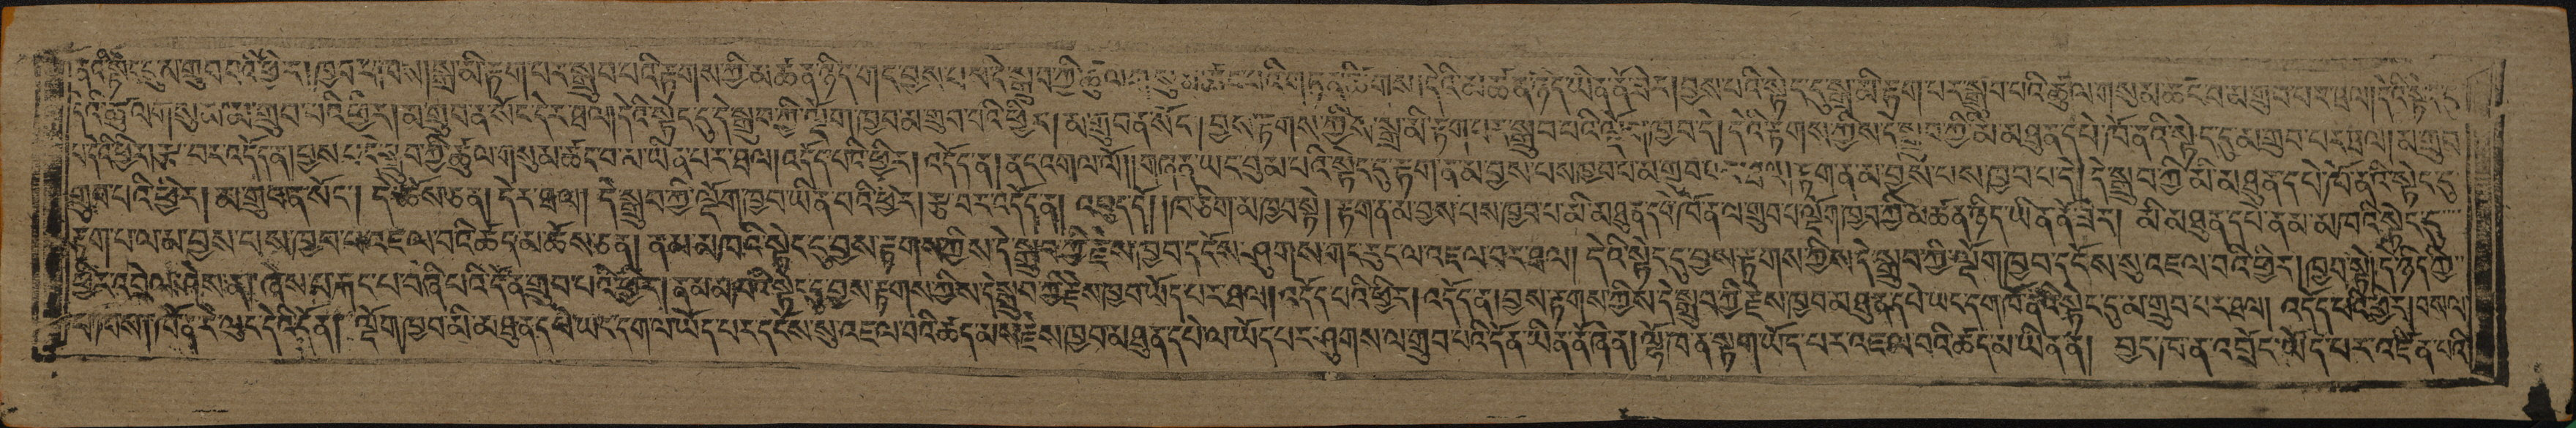ནའི་སྟེང་དུ་མ་གྲུབ་པའི་ཕྱིར། ཁྱབ་པ་ཁས། སྒྲ་མི་རྟག་པར་སྒྲུབ་པའི་རྟགས་ཀྱི་མཚན་ཉིད་གང་བྱས་པས་དེ་སྒྲུབ་ཀྱི་ཚུལ་གསུམ་ཚང་པའི་གཏན་ཚིགས། དེའི་མཚན་ཉིད་ཡིན་ནོ་ཟེར། བྱས་པའི་སྟེང་དུ་སྒྲ་མི་རྟག་པར་སྒྲུབ་པའི་ཚུལ་གསུམ་ཚང་བ་མ་གྲུབ་པར་ཐལ། དེའི་སྟེང་དུ་
དེའི་ཚུལ་གསུམ་མ་གྲུབ་པའི་ཕྱིར། མ་གྲུབ་ན་སོང་དེར་ཐལ། དེའི་སྟེང་དུ་དེ་སྒྲུབ་ཀྱི་ལྡོག་ཁྱབ་མ་གྲུབ་པའི་ཕྱིར། མ་གྲུབ་ན་སོང་། བྱས་རྟགས་ཀྱིས་སྒྲ་མི་རྟག་པར་སྒྲུབ་པའི་ལྡོག་ཁྱབ་དེ། དེའི་རྟགས་ཀྱིས་དེ་སྒྲུབ་ཀྱི་མི་མཐུན་དཔེ་ཁོ་ནའི་སྟེང་དུ་མ་གྲུབ་པར་ཐལ། མ་གྲུབ་
པ་དེའི་ཕྱིར། རྩ་བར་འདོད་ན། བྱས་པ་དེ་སྒྲུབ་ཀྱི་ཚུལ་གསུམ་ཚང་བ་མ་ཡིན་པར་ཐལ། འདོད་པའི་ཕྱིར། འདོད་ན། ནང་འགལ་ལོ། །གཞན་ཡང་བུམ་པའི་སྟེང་དུ་རྟག་ན་མ་བྱས་པས་ཁྱབ་པ་མ་གྲུབ་པར་ཐལ། རྟག་ན་མ་བྱས་པས་ཁྱབ་པ་དེ། དེ་སྒྲུབ་ཀྱི་མི་མཐུན་དཔེ་ཁོ་ནའི་སྟེང་དུ་
གྲུབ་པའི་ཕྱིར། མ་གྲུབ་ན་སོང་། དེ་ཆོས་ཅན། དེར་ཐལ། དེ་སྒྲུབ་ཀྱི་ལྡོག་ཁྱབ་ཡིན་པའི་ཕྱིར། རྩ་བར་འདོད་ན། འབུད་དོ། །ཁ་ཅིག་མ་ཁྱབ་སྟེ། རྟག་ན་མ་བྱས་པས་ཁྱབ་པ་མི་མཐུན་དཔེ་ཁོ་ན་ལ་གྲུབ་པ་ལྡོག་ཁྱབ་ཀྱི་མཚན་ཉིད་ཡིན་ནོ་ཟེར། མི་མཐུན་དཔེ་ནམ་མཁའི་སྟེང་དུ་
རྟག་པ་ལ་མ་བྱས་པས་ཁྱབ་པ་འཇལ་བའི་ཚད་མ་ཆོས་ཅན། ནམ་མཁའི་སྟེང་དུ་བྱས་རྟགས་ཀྱིས་དེ་སྒྲུབ་ཀྱི་རྗེས་ཁྱབ་དངོས་ཤུགས་གང་རུང་ལ་འཇལ་བར་ཐལ། དེའི་སྟེང་དུ་བྱས་རྟགས་ཀྱིས་དེ་སྒྲུབ་ཀྱི་ལྡོག་ཁྱབ་དངོས་སུ་འཇལ་བའི་ཕྱིར། ཁྱབ་སྟེ། དེ་ཉིད་ཀྱི་
ཕྱིར་འབྲེལ་ཤེས་ན། ཞེས་པ་རྐང་པ་བཞི་པའི་དོན་གྲུབ་པའི་ཕྱིར། ནམ་མཁའི་སྟེང་དུ་བྱས་རྟགས་ཀྱིས་དེ་སྒྲུབ་ཀྱི་རྗེས་ཁྱབ་ཡོད་པར་ཐལ། འདོད་པའི་ཕྱིར། འདོད་ན། བྱས་རྟགས་ཀྱིས་དེ་སྒྲུབ་ཀྱི་རྗེས་ཁྱབ་མཐུན་དཔེ་ཡང་དག་ཁོ་ནའི་སྟེང་དུ་མ་གྲུབ་པར་ཐལ། འདོད་པའི་ཕྱིར། བསལ་
པ་ཁས། ཁོ་ན་རེ་ལུང་དེའི་དོན། ལྡོག་ཁྱབ་མི་མཐུན་དཔེ་ཡང་དག་ལ་ཡོད་པར་དངོས་སུ་འཇལ་བའི་ཚད་མས་རྗེས་ཁྱབ་མཐུན་དཔེ་ལ་ཡོད་པར་ཤུགས་ལ་གྲུབ་པའི་དོན་ཡིན་ནོ་ཞེ་ན། ལྷོ་ཁ་ན་སྟག་ཡོད་པར་འཇལ་བའི་ཚད་མ་ཡིན་ན། བྱང་ཁ་ན་འབྲོད་ཡོད་པར་འཛིན་པའི་